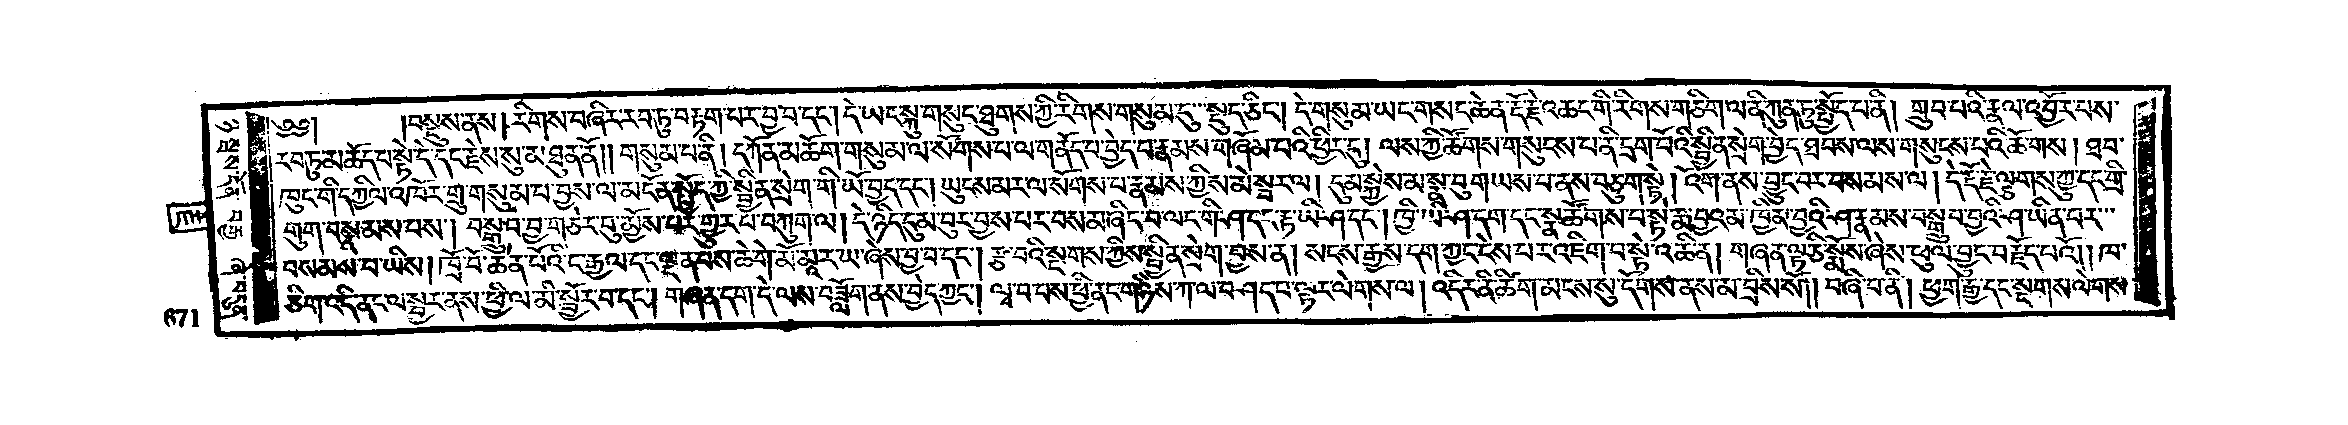༄༅། །བསྡུས་ནས། རིགས་བཞིར་རབ་ཏུ་བརྟག་པར་བྱ་བ་དང་། དེ་ཡང་སྐུ་གསུང་ཐུགས་ཀྱི་རིགས་གསུམ་དུ་སྡུད་ཅིང་། དེ་གསུམ་ཡང་གསང་ཆེན་རྡོ་རྗེ་འཆང་གི་རིགས་གཅིག་ལ་ནི་ཀུན་ཏུ་སྤྱོད་པ་ནི། གྲུབ་པའི་རྣལ་འབྱོར་པས་
རབ་ཏུ་མཆོད་པ་སྟེ་དེ་དང་རྗེས་སུ་མཐུན་ནོ། །གསུམ་པ་ནི། དཀོན་མཆོག་གསུམ་ལ་སོགས་པ་ལ་གནོད་པ་བྱེད་པ་རྣམས་གཞོམ་པའི་ཕྱིར་དུ། ལས་ཀྱི་ཚོགས་གསུངས་པ་ནི་དྲག་པོའི་སྦྱིན་སྲེག་བྱེད་ཐབས་ལས་གསུངས་པའི་ཆོ་གས། ཐབ་
ཁུང་གི་དཀྱིལ་འཁོར་གྲུ་གསུམ་པ་བྱས་ལ་མངོན་སྤྱོད་ཀྱི་སྦྱིན་སྲེག་གི་ཡོ་བྱད་དང་། ཡུངས་མར་ལ་སོགས་པ་རྣམས་ཀྱིས་མེ་སྦར་ལ། དུམ་སྐྱེས་མ་སྣ་བུ་གཡས་པ་ནས་བཅུག་སྟེ། འོག་ནས་བྱུང་བར་བསམས་ལ། དེ་རྡོ་རྗེ་ལྕགས་ཀྱུ་དང་གྲི་
གུག་བསྣམས་པས། བསྒྲུབ་བྱ་གཅེར་བུ་མྱོས་པར་གྱུར་པ་བཀུག་ལ། དེ་ཉིད་དུམ་བུར་བྱས་པར་བསམ་ཞིང་བ་ལང་གི་ཤ་དང་རྟ་ཡི་ཤ་དང་། ཁྱི་ཡི་ཤ་དག་དང་སྣ་ཚོགས་པ་སྟེ་རྨ་བྱའམ་ཁྱིམ་བྱའི་ཤ་རྣམས་བསྒྲུབ་བྱའི་ཤ་ཡིན་པར་
བསམས་པ་ཡིས། ཁྲོ་བོ་ཆེན་པོའི་ང་རྒྱལ་དང་ལྡན་པས་ཆེ་གེ་མོ་མཱ་ར་ཡ་ཞེས་བྱ་བ་དང་། རྩ་བའི་སྔགས་ཀྱིས་སྦྱིན་སྲེག་བྱས་ན། སངས་རྒྱས་དག་ཀྱང་ངེས་པར་འཇིག་པ་སྟེ་འཆི་ན། གཞན་ལྟ་ཅི་སྨོས་ཞེས་ཕུལ་བྱུང་བརྗོད་པའོ། །ཁ་
ཅིག་འདི་ནང་ལ་སྦྱར་ནས་ཕྱི་ལ་མི་སྦྱོར་བ་དང་། གཞན་དག་དེ་ལས་བཟློག་ནས་བྱེད་ཀྱང་། ལྭ་བ་པས་ཕྱི་ནང་གཉིས་ཀ་ལ་བཤད་པ་ལྟར་ལེགས་ལ། འདིར་ནི་ཚིག་མངས་སུ་དོགས་ནས་མ་བྲིས་སོ། །བཞི་པ་ནི། ཕྱག་རྒྱ་དང་སྔགས་ལེགས་